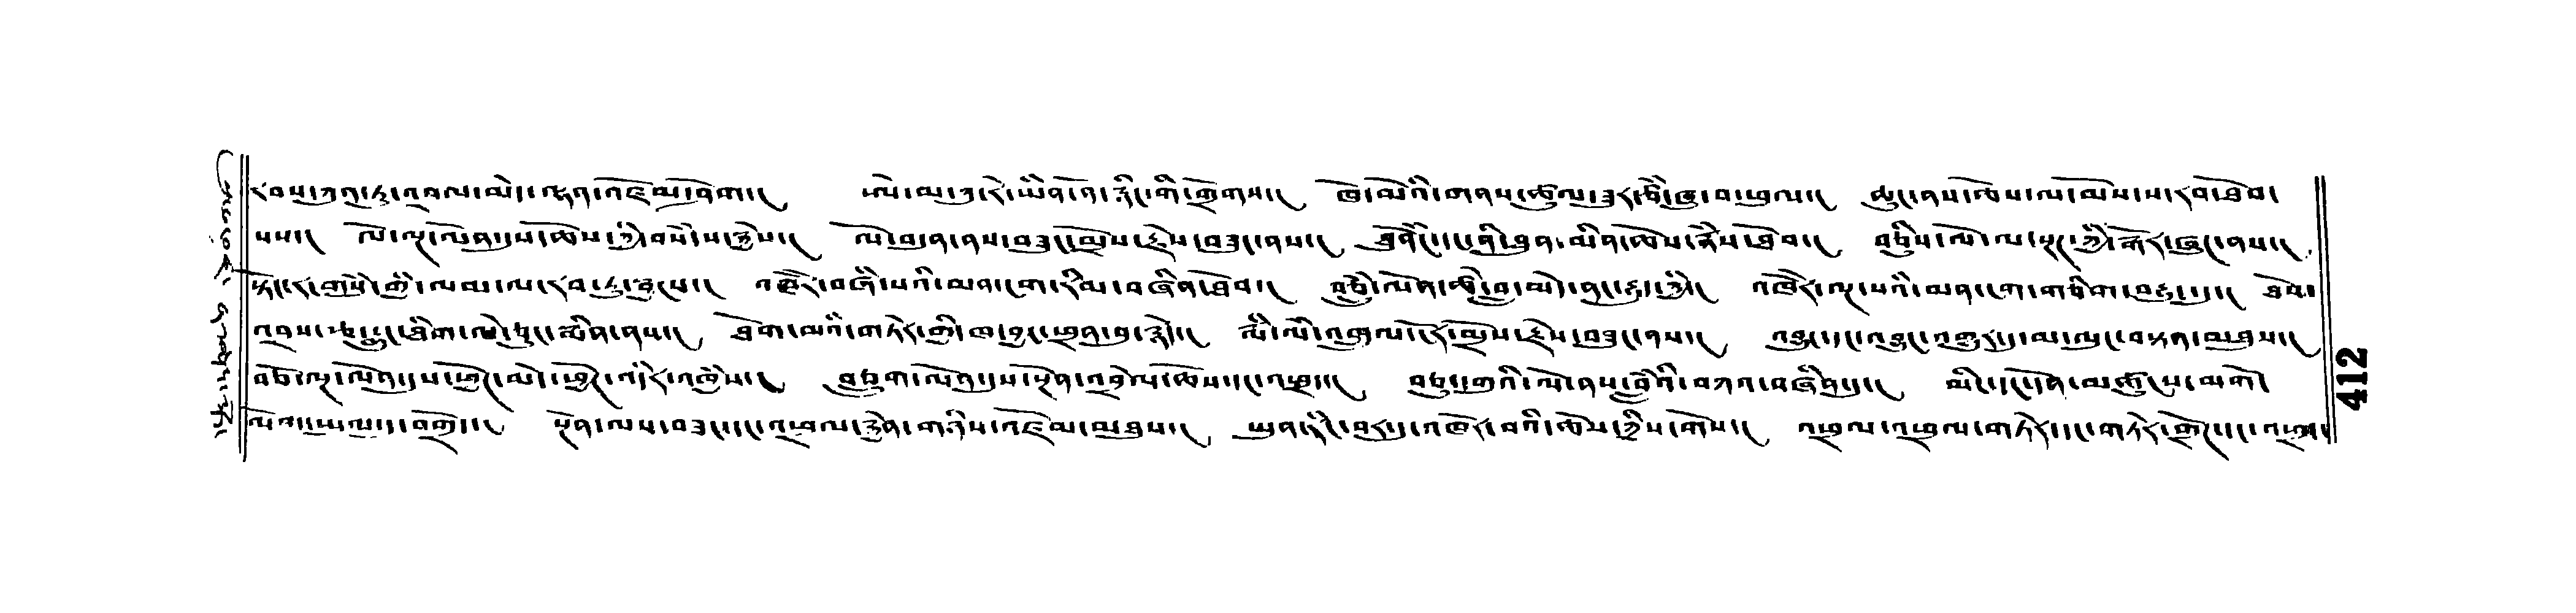རབས་ཀུན་ཏུ་འབྲལ་མེད་ལྷན་འཛོམ་ཤོག །ཨེ་མ་ཀུ་རེ་ཡིན་ནོ་སྙིང་གི་གྲོགས། ཁོ་མོའི་གནས་ཚུལ་ཟུར་ཙམ་ཞུ་བ་ཕུལ། །ཆུང་ནས་ཆོས་ལ་མོས་པ་རབ་ཐོབ་
པས། །ལོ་ལྔ་ལོན་དུས་ཆོས་ཀྱི་བསམ་པ་སྐྱེས། །ལོ་བདུན་ནས་བཟུང་མཁའ་འགྲོས་རྗེས་བཟུང་ནས། །ཐུན་མོང་དང་ནི་ཐུན་མིན་ཆོས་རྣམས་ཐོབ། །བཅུ་གཉིས་ལོ་ལ་སྔགས་ཀྱི་སྒོར་ཞུགས་ནས། །
སྟོང་རང་གསུམ་གྱི་ལམ་ལ་རབ་ཏུ་སྦྱངས། །འཁོར་ལོ་བཞི་པའི་མན་ངག་རིམ་བཞིན་ཐོབ། །བཅུ་གསུམ་ལོན་ཚེ་བླ་མེད་ནང་རྒྱུད་ཀྱི། །འཁོར་ལོ་ལྔ་པའི་མན་ངག་གཅིག་བརྒྱུད་དུ། །ཐོབ་
འབྲས་རྩ་རླུང་ཐིག་ལེ་ཅུང་སྨིན་ནས། །ཐོག་མའི་གཏེར་གྱི་ཁ་བྱང་ཕྲན་བུ་རྙེད། །རྨི་ལམ་འཁྲུལ་ངོར་མཁའ་འགྲོས་རྗེས་བཟུང་ནས། །འབྱུང་དང་འབྱུང་འགྱུར་དུ་མ་ལུང་བསྟན་མཐུས། །
བཅོ་ལྔ་ལོན་དུས་ཕྱོགས་མེད་ཕྱོགས་འདིར་འཁྱམས། །བཅུ་དྲུག་ལོན་དུས་སྔོན་འབྲེལ་ཆོས་དང་འཕྲད། །བཅུ་དགུའི་ལོ་ནས་བླ་མའི་བཀའ་བཞིན་དུ། །མིང་དང་དོན་མཚུངས་མགོ་
ལོག་ཡུལ་དུ་བགྲོད། །སྔོན་ལས་བཟང་དང་འཕྲལ་རྐྱེན་གཉིས་འཛོམ་མཐུས། །ཡུན་རིང་བར་དུ་འཁོར་བའི་ཆོས་ཀྱིས་གོས། །འཕྲལ་འཕྲལ་གཏེར་དང་གཏེར་གྲོགས་དང་འཕྲད་